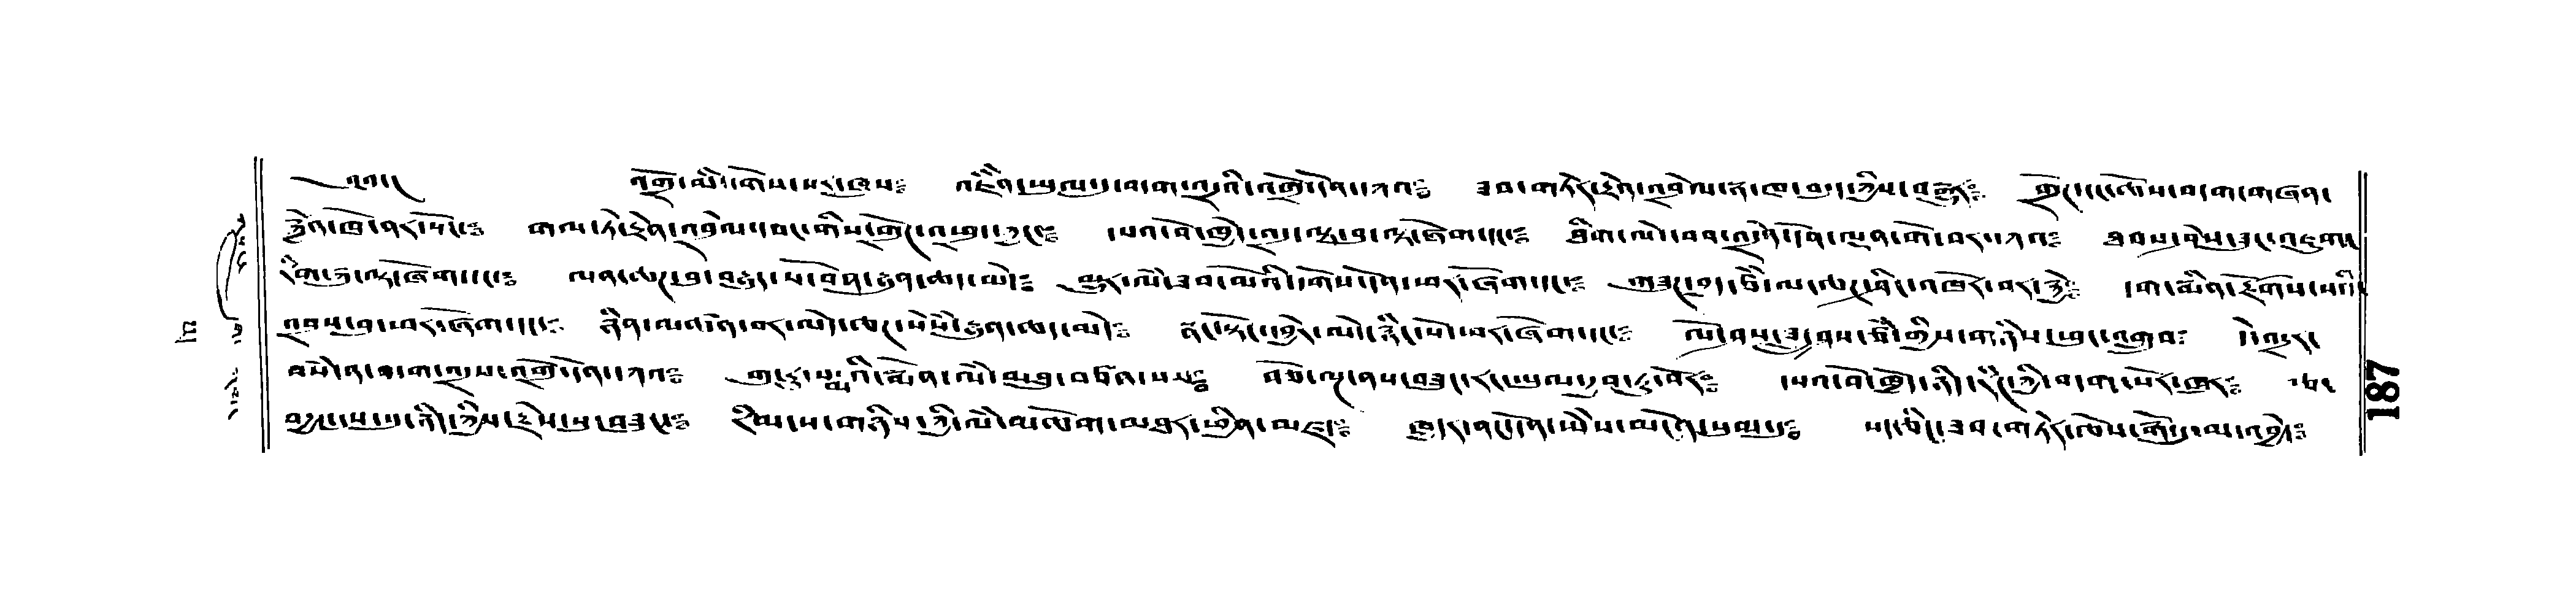འགྲོ་མི་དགོས་པར་ཞུས༔ འཇིག་རྟེན་ཡུལ་དུ་བདག་འདྲའི་འགྲོ་དོན་དཀའ༔ ཟབ་གཏེར་རྟེན་འབྲེལ་སྣ་ཁ་བདུད་ཀྱིས་བསྒྱུར༔ གྲོགས་དང་ཆོས་བདག་གཞན་
རྐྱེན་ཁོ་ནར་སོང༔ གལ་ཏེ་རྟེན་འབྲེལ་དབང་གིས་གྲོགས་འཕྲད་ཀྱང༔ དཔའ་བོ་ཁྱེད་འདྲ་ལྟ་བུ་ལྟ་ཞོག་དང༔ ཐིག་ལེ་དབབ་འདྲེན་དོན་ལྡན་གོ་བར་དཀའ༔ ཐབས་ཤེས་ཟུང་འཇུག་
རིག་སྐུ་ལྟ་ཞོག་དང༔ ལན་ཆགས་བུ་བརྒྱུད་ས་བོན་རྒྱུན་ཆད་མེད༔ མྱུར་ལམ་ཟབ་མོའི་དགོས་དོན་ཕར་ཞོག་དང༔ གཟུགས་བྱད་ཙམ་ལ་ཆགས་ཤིང་འཁོར་བར་སྐྱེ༔ དག་སྨིན་རྫོགས་པའི་
འབྲས་བུ་ཕར་ཞོག་དང༔ ཉིན་མཚན་བར་མེད་ཆགས་སེམས་རྒྱུན་ཆད་མེད༔ སྣང་སྟོང་དབྱེར་མེད་སྙིང་པོ་ཕར་ཞོག་དང༔ ལོ་ཤས་ཟླ་ཤས་ཙམ་གྱིས་གཉིས་ཕུང་འགྲུབ༔ དེ་འདྲར་
བསམ་ན་བདག་འདྲས་འགྲོ་དོན་དཀའ༔ གུ་རུ་པདྨའི་སྨོན་ལམ་མཐུ་བཙན་པས༔ བཅོ་ལྔ་ནས་བཟུང་རང་ཡུལ་རྒྱབ་ཏུ་བོར༔ དཔའ་བོ་ཁྱོད་ཉིད་རིགས་ཀྱི་བདག་པོར་ཁུར༔ རྩ་
བརྒྱད་དུས་སུ་ཉིད་ཀྱིས་རྗེས་སུ་བཟུང༔ རིམ་པ་གཉིས་ཀྱི་ལམ་མཆོག་མཐར་ཕྱིན་མཛད༔ ཁྱད་པར་ནང་དོན་ཡེ་ཤེས་མངོན་སུམ་དུ༔ སད་ཅིང་ཟབ་གཏེར་ཆོས་སྒོ་དུ་མ་འབྱེད༔